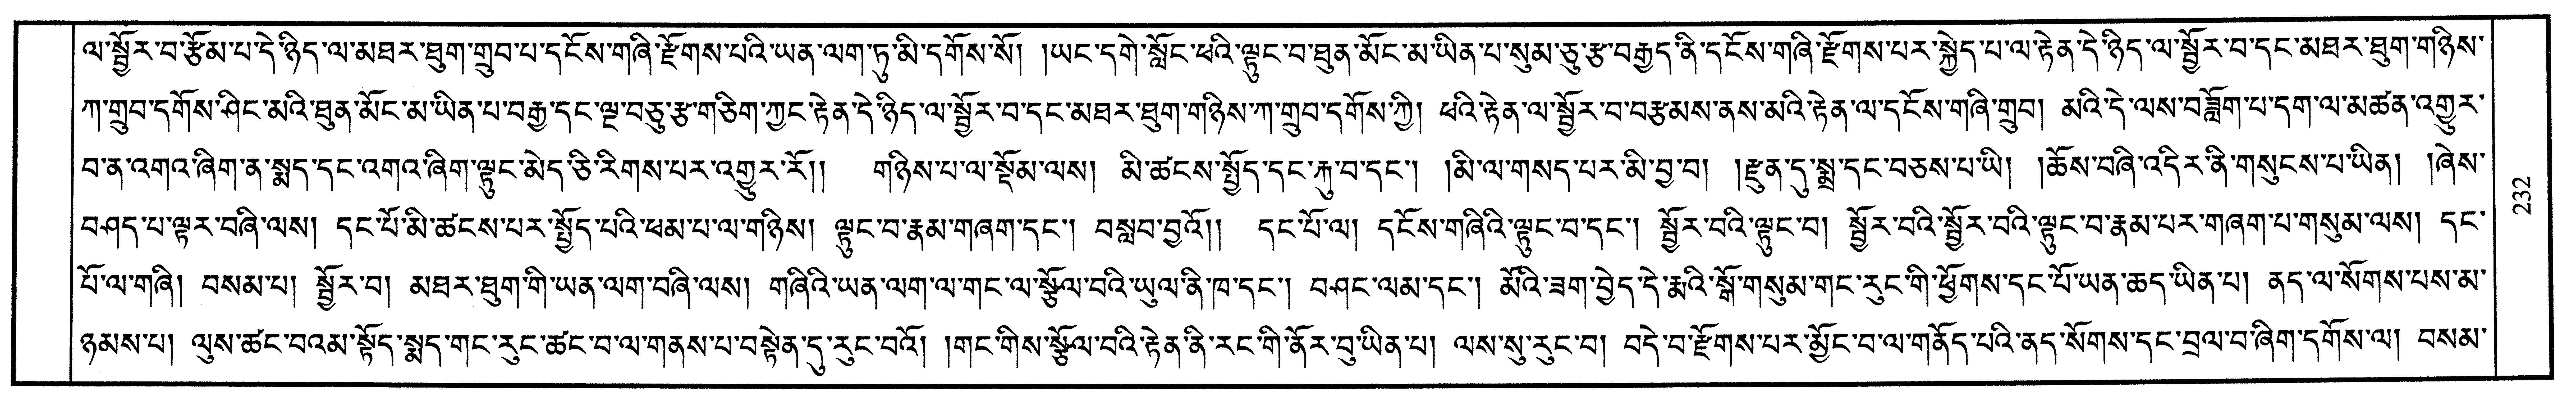ལ་སྦྱོར་བ་རྩོམ་པ་དེ་ཉིད་ལ་མཐར་ཐུག་གྲུབ་པ་དངོས་གཞི་རྫོགས་པའི་ཡན་ལག་ཏུ་མི་དགོས་སོ། །ཡང་དགེ་སློང་ཕའི་ལྟུང་བ་ཐུན་མོང་མ་ཡིན་པ་སུམ་ཅུ་རྩ་བརྒྱད་ནི་དངོས་གཞི་རྫོགས་པར་སྐྱེད་པ་ལ་རྟེན་དེ་ཉིད་ལ་སྦྱོར་བ་དང་མཐར་ཐུག་གཉིས་
ཀ་གྲུབ་དགོས་ཤིང་མའི་ཐུན་མོང་མ་ཡིན་པ་བརྒྱ་དང་ལྔ་བཅུ་རྩ་གཅིག་ཀྱང་རྟེན་དེ་ཉིད་ལ་སྦྱོར་བ་དང་མཐར་ཐུག་གཉིས་ཀ་གྲུབ་དགོས་ཀྱི། ཕའི་རྟེན་ལ་སྦྱོར་བ་བརྩམས་ནས་མའི་རྟེན་ལ་དངོས་གཞི་གྲུབ། མའི་དེ་ལས་བཟློག་པ་དག་ལ་མཚན་འགྱུར་
བ་ན་འགའ་ཞིག་ན་སྨད་དང་འགའ་ཞིག་ལྟུང་མེད་ཅི་རིགས་པར་འགྱུར་རོ།། གཉིས་པ་ལ་སྡོམ་ལས། མི་ཚངས་སྤྱོད་དང་རྐུ་བ་དང་། །མི་ལ་གསད་པར་མི་བྱ་བ། །རྫུན་དུ་སྨྲ་དང་བཅས་པ་ཡི། །ཆོས་བཞི་འདིར་ནི་གསུངས་པ་ཡིན། །ཞེས་
བཤད་པ་ལྟར་བཞི་ལས། དང་པོ་མི་ཚངས་པར་སྤྱོད་པའི་ཕམ་པ་ལ་གཉིས། ལྟུང་བ་རྣམ་གཞག་དང་། བསླབ་བྱའོ།། དང་པོ་ལ། དངོས་གཞིའི་ལྟུང་བ་དང་། སྦྱོར་བའི་ལྟུང་བ། སྦྱོར་བའི་སྦྱོར་ལྟུང་བ་རྣམ་པར་གཞག་པ་གསུམ་ལས། དང་
པོ་ལ་གཞི། བསམ་པ། སྦྱོར་བ། མཐར་ཐུག་གི་ཡན་ལག་བཞི་ལས། གཞིའི་ཡན་ལག་ལ་གང་ལ་སྩོལ་བའི་ཡུལ་ནི་ཁ་དང་། བཤང་ལམ་དང་། མོའི་ཟག་བྱེད་དེ་རྨའི་སྒོ་གསུམ་གང་རུང་གི་ཕྱོགས་དང་པོ་ཡན་ཆད་ཡིན་པ། ནད་ལ་སོགས་པས་མ་
ཉམས་པ། ལུས་ཚང་བའམ་སྟོད་སྨད་གང་རུང་ཚང་བ་ལ་གནས་པ་བསྟེན་དུ་རུང་བའོ། །གང་གིས་སྩོལ་བའི་རྟེན་ནི་རང་གི་ནོར་བུ་ཡིན་པ། ལས་སུ་རུང་བ། བདེ་བ་རྫོགས་པར་མྱོང་བ་ལ་གནོད་པའི་ནད་སོགས་དང་བྲལ་བ་ཞིག་དགོས་ལ། བསམ་